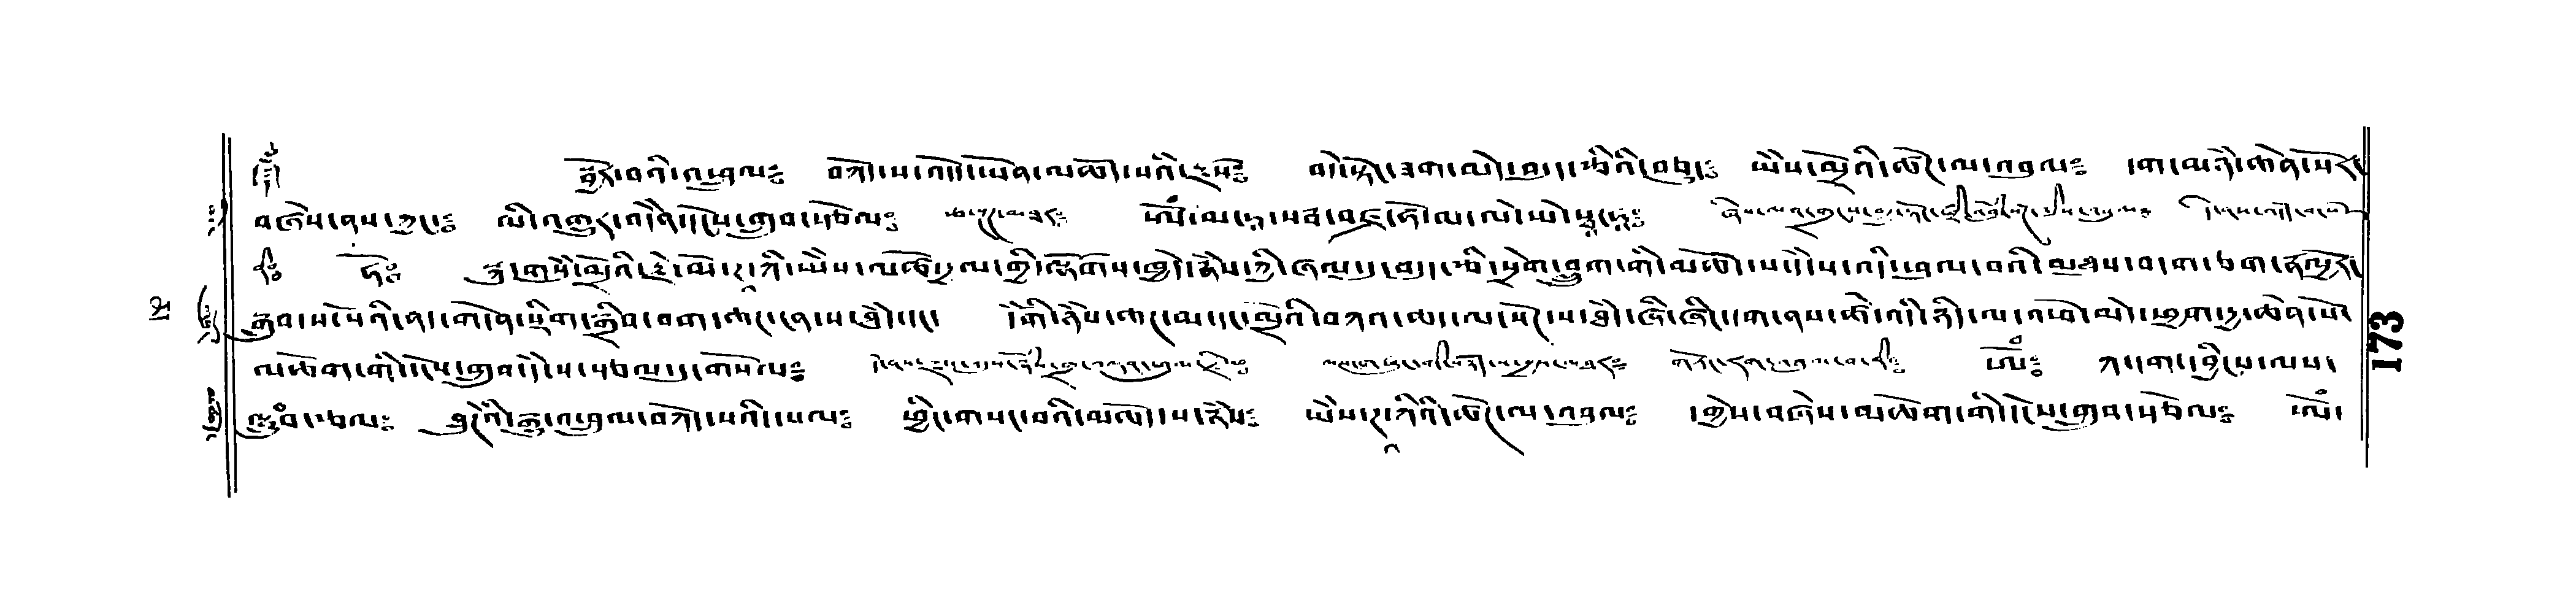སྦྱོར་བའི་འཕྲུལ༔ བཀོད་པ་འདོད་ཡོན་མཆོད་པའི་རྫས༔ བདེ་སྟོང་ཟག་མེད་བདུད་རྩིའི་བཅུད༔ ཡེ་ཤེས་མཁའ་འགྲོའི་ཚོགས་ལ་འབུལ༔ དག་མཉམ་ཆེན་པོར་
བཞེས་ནས་ཀྱང༔ མི་འགྱུར་བདེ་ཆེན་དངོས་གྲུབ་སྩོལ༔ རྩ་སྔགས་མཐར༔ ཨོཾ་མ་ཧཱ་སརྦ་བཛྲ་ཧོ་མ་ལེ་ཡེ་སྭཱ་ཧཱཿ ཞེས་ལན་གྲངས་བརྒྱ་སྟོང་ཁྲི་འབུམ་སོགས་ཀྱིས་འབུལ༔ དེ་ནས་འདོད་གསོལ་
ནི༔ ཧོཿ སྐུ་གསུམ་མཁའ་འགྲོའི་རྗེ་མོ་ཌཱ་ཀི་ཡེ་ཤེས་མཆོ་རྒྱལ་གྱི་ལྷ་ཚོགས་ཁྱེད་རྣམས་ཀྱི་ཞལ་དུ་བདུད་རྩི་སྲེག་བླུག་གི་མཆོད་པ་དམ་པ་འདི་ཕུལ་བའི་མཐུས་བདག་ཅག་རྣལ་འབྱོར་
སྒྲུབ་པ་པོའི་ནད་གདོན་སྡིག་སྒྲིབ་བག་ཆགས་ངན་པ་ཐམས་ཅད་དང༔ དམ་ཚིག་ཉམས་ཆགས་མ་དང་མཁའ་འགྲོའི་བཀའ་ཆད་ལ་སོགས་པ་ཐམས་ཅད་ཞི་ཞིང་དག་ནས་ཚེ་འདི་ཉིད་ལ་འཕོ་མེད་ཕྱག་རྒྱ་ཆེན་པོ་
མཆོག་གི་དངོས་གྲུབ་དམ་པ་བསྩལ་དུ་གསོལ༔ དེ་ནས་རྫས་འདུས་རྣམས་གྲངས་ལྡན་ཕུལ་རྗེས༔ ལས་གཞུང་གི་བསྟོད་པ་བྱས་མཐར༔གཏང་རག་འབུལ་བ་ནི༔ ཨོཾ༔ ཀ་དག་དབྱིངས་ལས་
ལྷུན་གྲུབ་རྩལ༔ ཐུགས་རྗེའི་སྒྱུ་འཕྲུལ་བཀོད་པའི་དཔལ༔ ཕྱི་ནང་གསང་བའི་མཆོད་པ་རྣམས༔ ཡེ་ཤེས་ཌཱ་ཀིའི་ཚོགས་ལ་འབུལ༔ དགྱེས་བཞེས་མཆོག་དངོས་གྲུབ་སྩོལ༔ ཨོཾ་